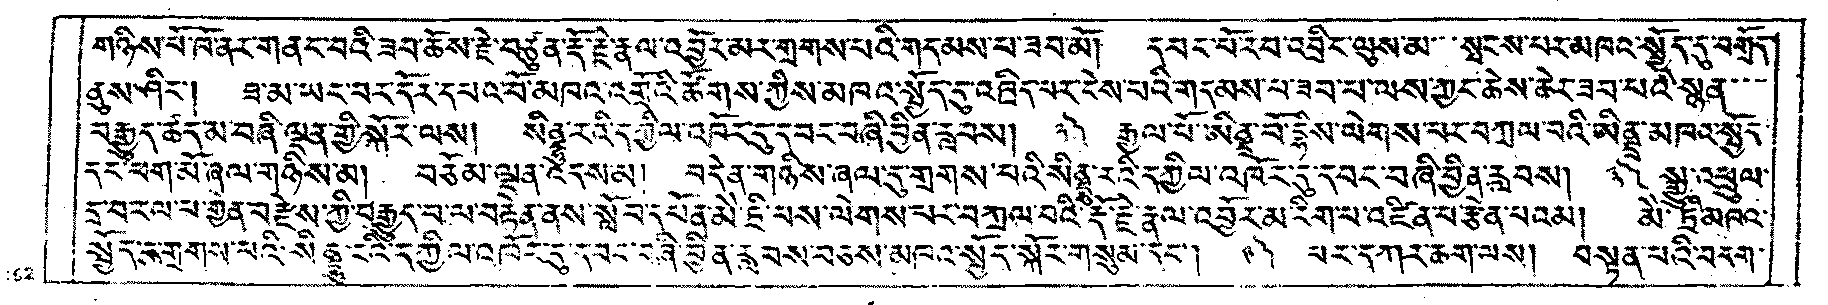གཉིས་པོ་ཁོ་ནར་གནང་བའི་ཟབ་ཆོས་རྗེ་བཙུན་རྡོ་རྗེ་རྣལ་འབྱོར་མར་གྲགས་པའི་གདམས་པ་ཟབ་མོ། དབང་པོ་རབ་འབྲིང་ལུས་མ་སྤངས་པར་མཁའ་སྤྱོད་དུ་བགྲོད་
ནུས་ཤིང་། ཐ་མ་ཡང་བར་དོར་དཔའ་བོ་མཁའ་འགྲོའི་ཚོགས་ཀྱིས་མཁའ་སྤྱོད་དུ་འཁྲིད་པར་ངེས་པའི་གདམས་པ་ཟབ་པ་ལས་ཀྱང་ཆེས་ཆེར་ཟབ་པའི་སྙན་
བརྒྱུད་ཚད་མ་བཞི་ལྡན་གྱི་སྐོར་ལས། སིནྡྷུ་རའི་དཀྱིལ་འཁོར་དུ་དབང་བཞི་བྱིན་རླབས། ༢?་རྒྱལ་པོ་ཨིནྡྲ་བོ་དྷིས་ལེགས་པར་བཀྲལ་བའི་ཨིནྡྲ་མཁའ་སྤྱོད་
དང་ཕག་མོ་ཞལ་གཉིས་མ། བཅོམ་ལྡན་འདས་མ། བདེན་གཉིས་ཞལ་དུ་གྲགས་པའི་སིནྡྷུ་རའི་དཀྱིལ་འཁོར་དུ་དབང་བཞི་བྱིན་རླབས། ༣?་སྒྱུ་འཕྲུལ་
དྲ་བ་རལ་པ་གྱེན་བརྫེས་ཀྱི་བརྒྱུད་པ་ལ་བརྟེན་ནས་སློབ་དཔོན་མཻ་ཏྲི་པས་ལེགས་པར་བཀྲལ་བའི་རྡོ་རྗེ་རྣལ་འབྱོར་མ་རིག་པ་འཛིན་པ་རྩེན་པའམ། མཻ་ཏྲི་མཁའ་
སྤྱོད་དུ་གྲགས་པའི་སིནྡྷུ་རའི་དཀྱིལ་འཁོར་དུ་དབང་བཞི་བྱིན་རླབས་བཅས་མཁའ་སྤྱོད་སྐོར་གསུམ་དང་། ༤?་པར་དཀར་ཆག་ལས། བསྟན་པའི་བདག་